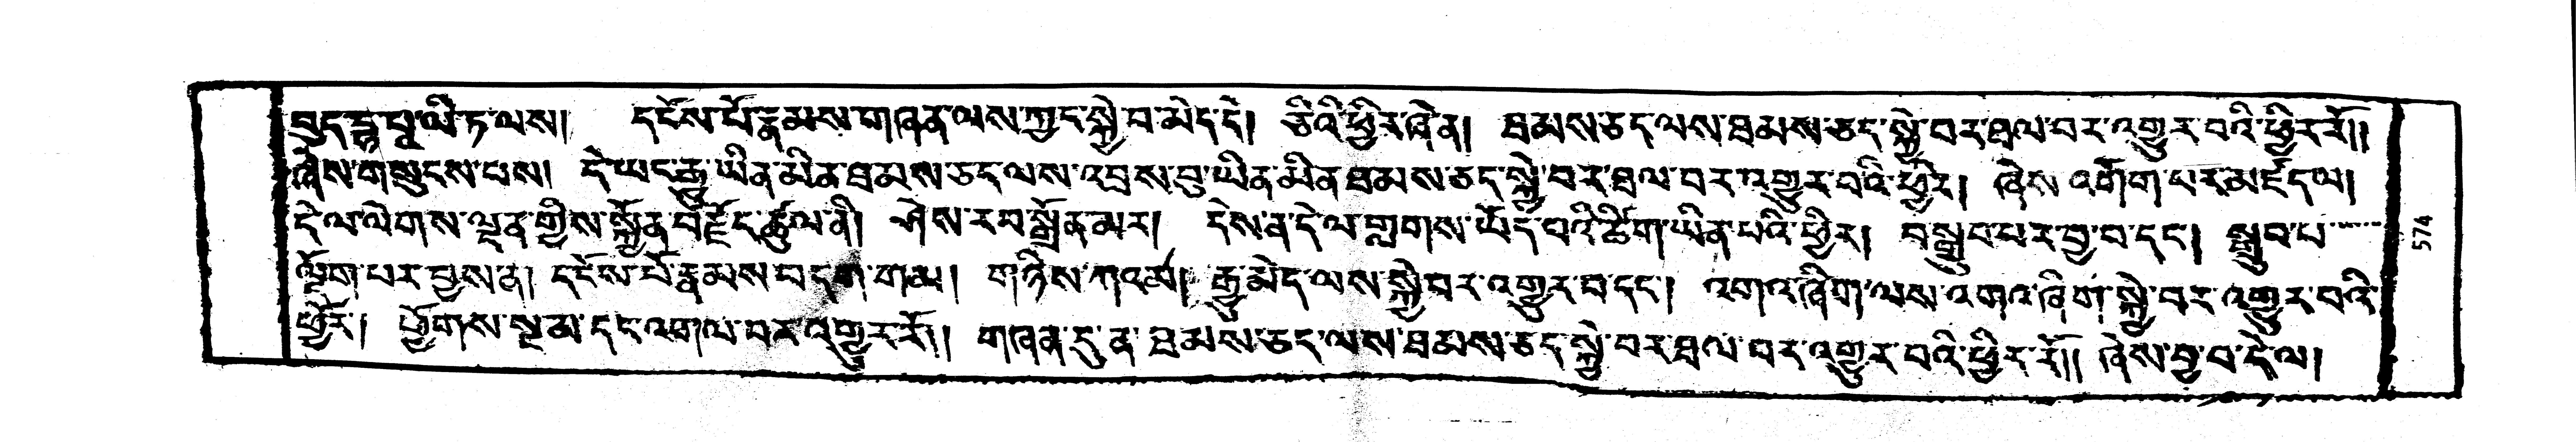བུད་དྷ་པཱ་ལི་ཏ་ལས། དངོས་པོ་རྣམས་གཞན་ལས་ཀྱང་སྐྱེ་བ་མེད་དེ། ཅིའི་ཕྱིར་ཞེ་ན། ཐམས་ཅད་ལས་ཐམས་ཅད་སྐྱེ་བར་ཐལ་བར་འགྱུར་བའི་ཕྱིར་རོ།།
ཞེས་གསུངས་པས། དེ་ཡང་རྒྱུ་ཡིན་མིན་ཐམས་ཅད་ལས་འབྲས་བུ་ཡིན་མིན་ཐམས་ཅད་སྐྱེ་བར་ཐལ་བར་འགྱུར་བའི་ཕྱིར། ཞེས་འགོག་པར་མཛད་ལ།
དེ་ལ་ལེགས་ལྡན་གྱིས་སྐྱོན་བརྗོད་ཚུལ་ནི། ཤེས་རབ་སྒྲོན་མར། དེས་ན་དེ་ལ་གླགས་ཡོད་པའི་ཚིག་ཡིན་པའི་ཕྱིར། བསྒྲུབ་པར་བྱ་བ་དང་། སྒྲུབ་པ་
ལྡོག་པར་བྱས་ན། དངོས་པོ་རྣམས་བདག་གམ། གཉིས་ཀའམ། རྒྱུ་མེད་ལས་སྐྱེ་བར་འགྱུར་བ་དང་། འགའ་ཞིག་ལས་འགའ་ཞིག་སྐྱེ་བར་འགྱུར་བའི་
ཕྱིར། ཕྱོགས་སྔ་མ་དང་འགལ་བར་འགྱུར་རོ།། གཞན་དུ་ན་ཐམས་ཅད་ལས་ཐམས་ཅད་སྐྱེ་བར་ཐལ་བར་འགྱུར་བའི་ཕྱིར་རོ།། ཞེས་བྱ་བ་དེ་ལ།